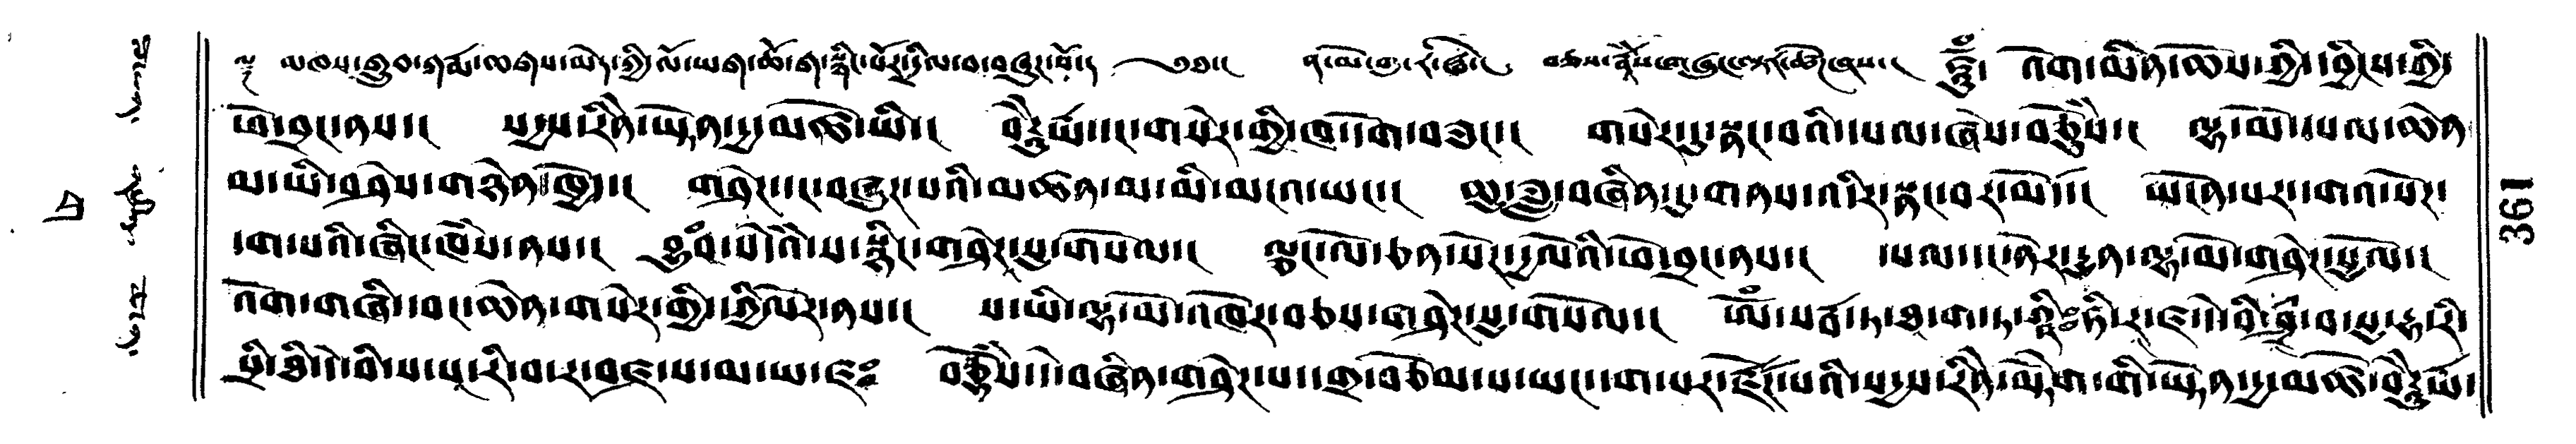༈ མཁས་གྲུབ་ཀརྨ་ཆགས་མེད་ཀྱི་ལོ་ཡག་ཆོ་ག་སྙིང་པོར་དྲིལ་བ་བཞུགས་སོ།། ༈ ན་མོ་གུ་ར་ཝེ། བཅས་རྣམས་གཞུང་ལྟར་ཚོགས་ནས། ཧཱུྂ། འོག་མིན་ཆོས་ཀྱི་དབྱིངས་ཀྱི་
ཕོ་བྲང་ནས། སངས་རྒྱས་རིན་ཆེན་ཡོན་ཏན་རྒྱ་མཚོ་ཡི། བཻཌཱུརྻ་དང་གསེར་གྱི་ཁ་དོག་བཟང་། གསེར་དུ་སྣང་བའི་དཔལ་ཞེས་བཅུ་གསུམ་བཅས། ལྷ་མོ་དཔལ་ཆེན་
མ་ཡི་བཤེས་གཉེན་ཁྱོད། གཤེགས་དང་བཞུགས་པའི་མཚན་མ་མི་མངའ་ཡང་། ཆུ་ཟླ་བཞིན་དུ་གནས་འདིར་སྣང་བར་མཛོད། མངོན་པར་དགའ་སོགས་
དག་པའི་ཞིང་ཁམས་ནས། བྱང་ཆུབ་སེམས་དཔའ་ས་སྙིང་གཤེགས་སུ་གསོལ། ལྕང་ལོ་ཅན་སོགས་རྒྱལ་པོའི་ཕོ་བྲང་ནས། དཔལ་དང་ནོར་རྒྱུན་ལྷ་མོ་གཤེགས་སུ་གསོལ། 
འོག་གཞི་དབང་ཆེན་གསེར་གྱི་དཀྱིལ་འཁོར་ནས། ས་ཡི་ལྷ་མོ་འཁོར་བཅས་གཤེགས་སུ་གསོལ། ཨོཾ་སརྦ་ཏ་ཐཱ་ག་ཏ་ཀྵིཿཧི་རཱ་ཛ་དཱེ་བི་ཤྲཱི་བ་སུ་དྷ་རི་
པྲི་ཐི་དཱེ་བི་ས་པཱ་རི་བ་ར་བཛྲ་ས་མ་ཡ་ཛཿ བཅོམ་ལྡན་འདས་དེ་བཞིན་གཤེགས་པ་དགྲ་བཅོམ་པ་ཡང་དག་པར་རྫོགས་པའི་སངས་རྒྱས་རིན་ཆེན་མེ་ཏོག་གི་ཡོན་ཏན་རྒྱ་མཚོ་བཻཌཱུརྻ